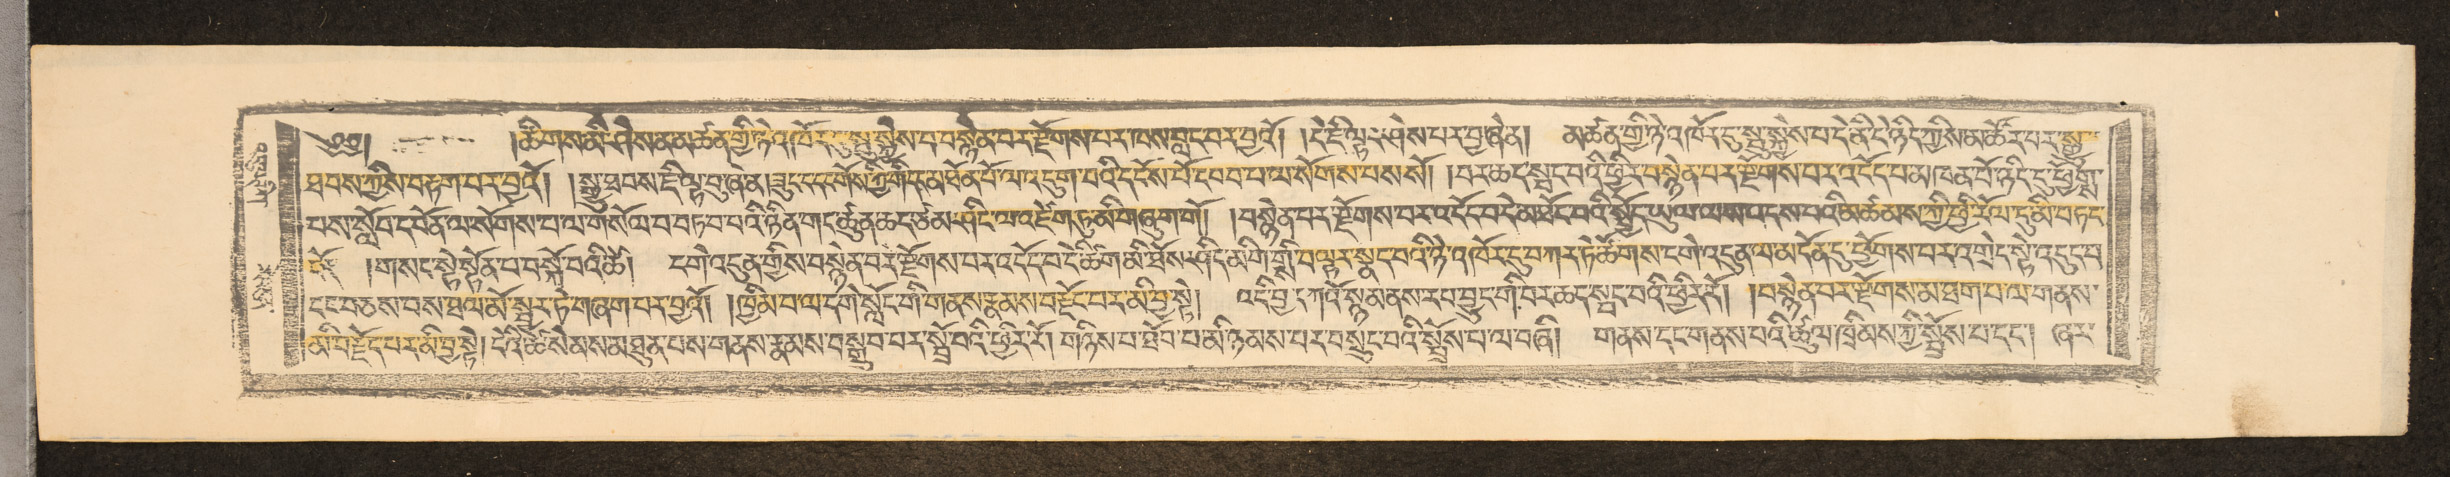༄༅། །ཚིགས་མི་ཤེས་ན་མཚན་གྱི་ཉེ་འཁོར་དུ་སྦུ་སྐྱེས་བ་བསྙེན་པར་རྫོགས་པར་ལས་བླང་བར་བྱའོ། །དེ་ཇི་ལྟར་ཤེས་པར་བྱ་ཞེ་ན། མཚན་གྱི་ཉེ་འཁོར་དུ་སྦུ་སྐྱེས་པ་དེ་ནི་དེ་ཉིད་ཀྱིས་མ་ཚོར་བར་སྒྱུ་
ཐབས་ཀྱིས་བརྟག་པར་བྱའོ། །སྒྱུ་ཐབས་ཇི་ལྟ་བུ་ཞེ་ན། ཟུང་ང་དང་གོས་ཀྱི་གདིང་མཐོན་པོ་ལ་འདུག་པའི་དངོས་པོ་དབབ་པ་ལ་སོགས་པས་སོ། །བར་ཆད་སྦང་བའི་ཕྱིར་བསྙེན་པར་རྫོགས་པར་འདོད་པ་མཁན་པོ་ཉིད་དུ་ཕྱོགས་
པས་སློབ་དཔོན་ལ་སོགས་པ་ལ་གསོལ་བ་བཏབ་པའི་ཉིན་གང་ཚུན་ཆད་ཙམ་ཤིང་ལ་འཇོག་ཏུ་མི་གཞུག་གོ། །བསྙེན་པར་རྫོགས་བར་འདོད་བ་དེ་མཐོང་བའི་སྤྱོད་ཡུལ་ལས་འདས་པའི་མཚམས་ཀྱི་ཕྱི་རོལ་ཏུ་མི་བཏང་
ངོ༑ །གསང་སྟེ་སྟོན་པ་བསྐོ་བའི་ཚེ། དགེ་འདུན་གྱིས་བསྙེན་པར་རྫོགས་པར་འདོད་པ་དེ་ཚིག་མི་ཐོས་ཤིད་མིག་གིས་བལྟར་སྣད་བའི་ཉེ་འཁོར་དུ་བཀར་ཏེ་ཚོགས་དགེ་འདུན་ལ་མངོན་དུ་ཕྱོགས་པར་འགྲེང་སྟེ་འདུད་པ་
དང་བཅས་པས་ཐལ་མོ་སྦྱར་ཏེ་གཞག་པར་བྱའོ། །ཁྱིམ་པ་ལ་དགེ་སློང་གི་གནས་རྣམས་བརྗོད་པར་མི་བྱ་སྟེ། འདི་བྱ་དཀའོ་སྙམ་ནས་རབ་བྱུང་གི་བར་ཆད་སྤང་བའི་ཕྱིར་རོ། །བསྙེན་པར་རྫོགས་མ་ཐག་པ་ལ་གནས་
མི་བརྗོད་པར་མི་བྱ་སྟེ། དེའི་ཚེ་སེམས་མཐུན་པས་གནས་རྣམས་བསྒྲུབ་པར་སྤྲོ་བའི་ཕྱིར་རོ། གཉིས་པ་ཐོབ་པ་མི་ཉམས་པར་བསྲུང་བའི་སྤྲོས་པ་ལ་བཞི། གནས་དང་གནས་པའི་ཚུལ་ཁྲིམས་ཀྱི་སྤྲོས་པ་དང་། ཞར་